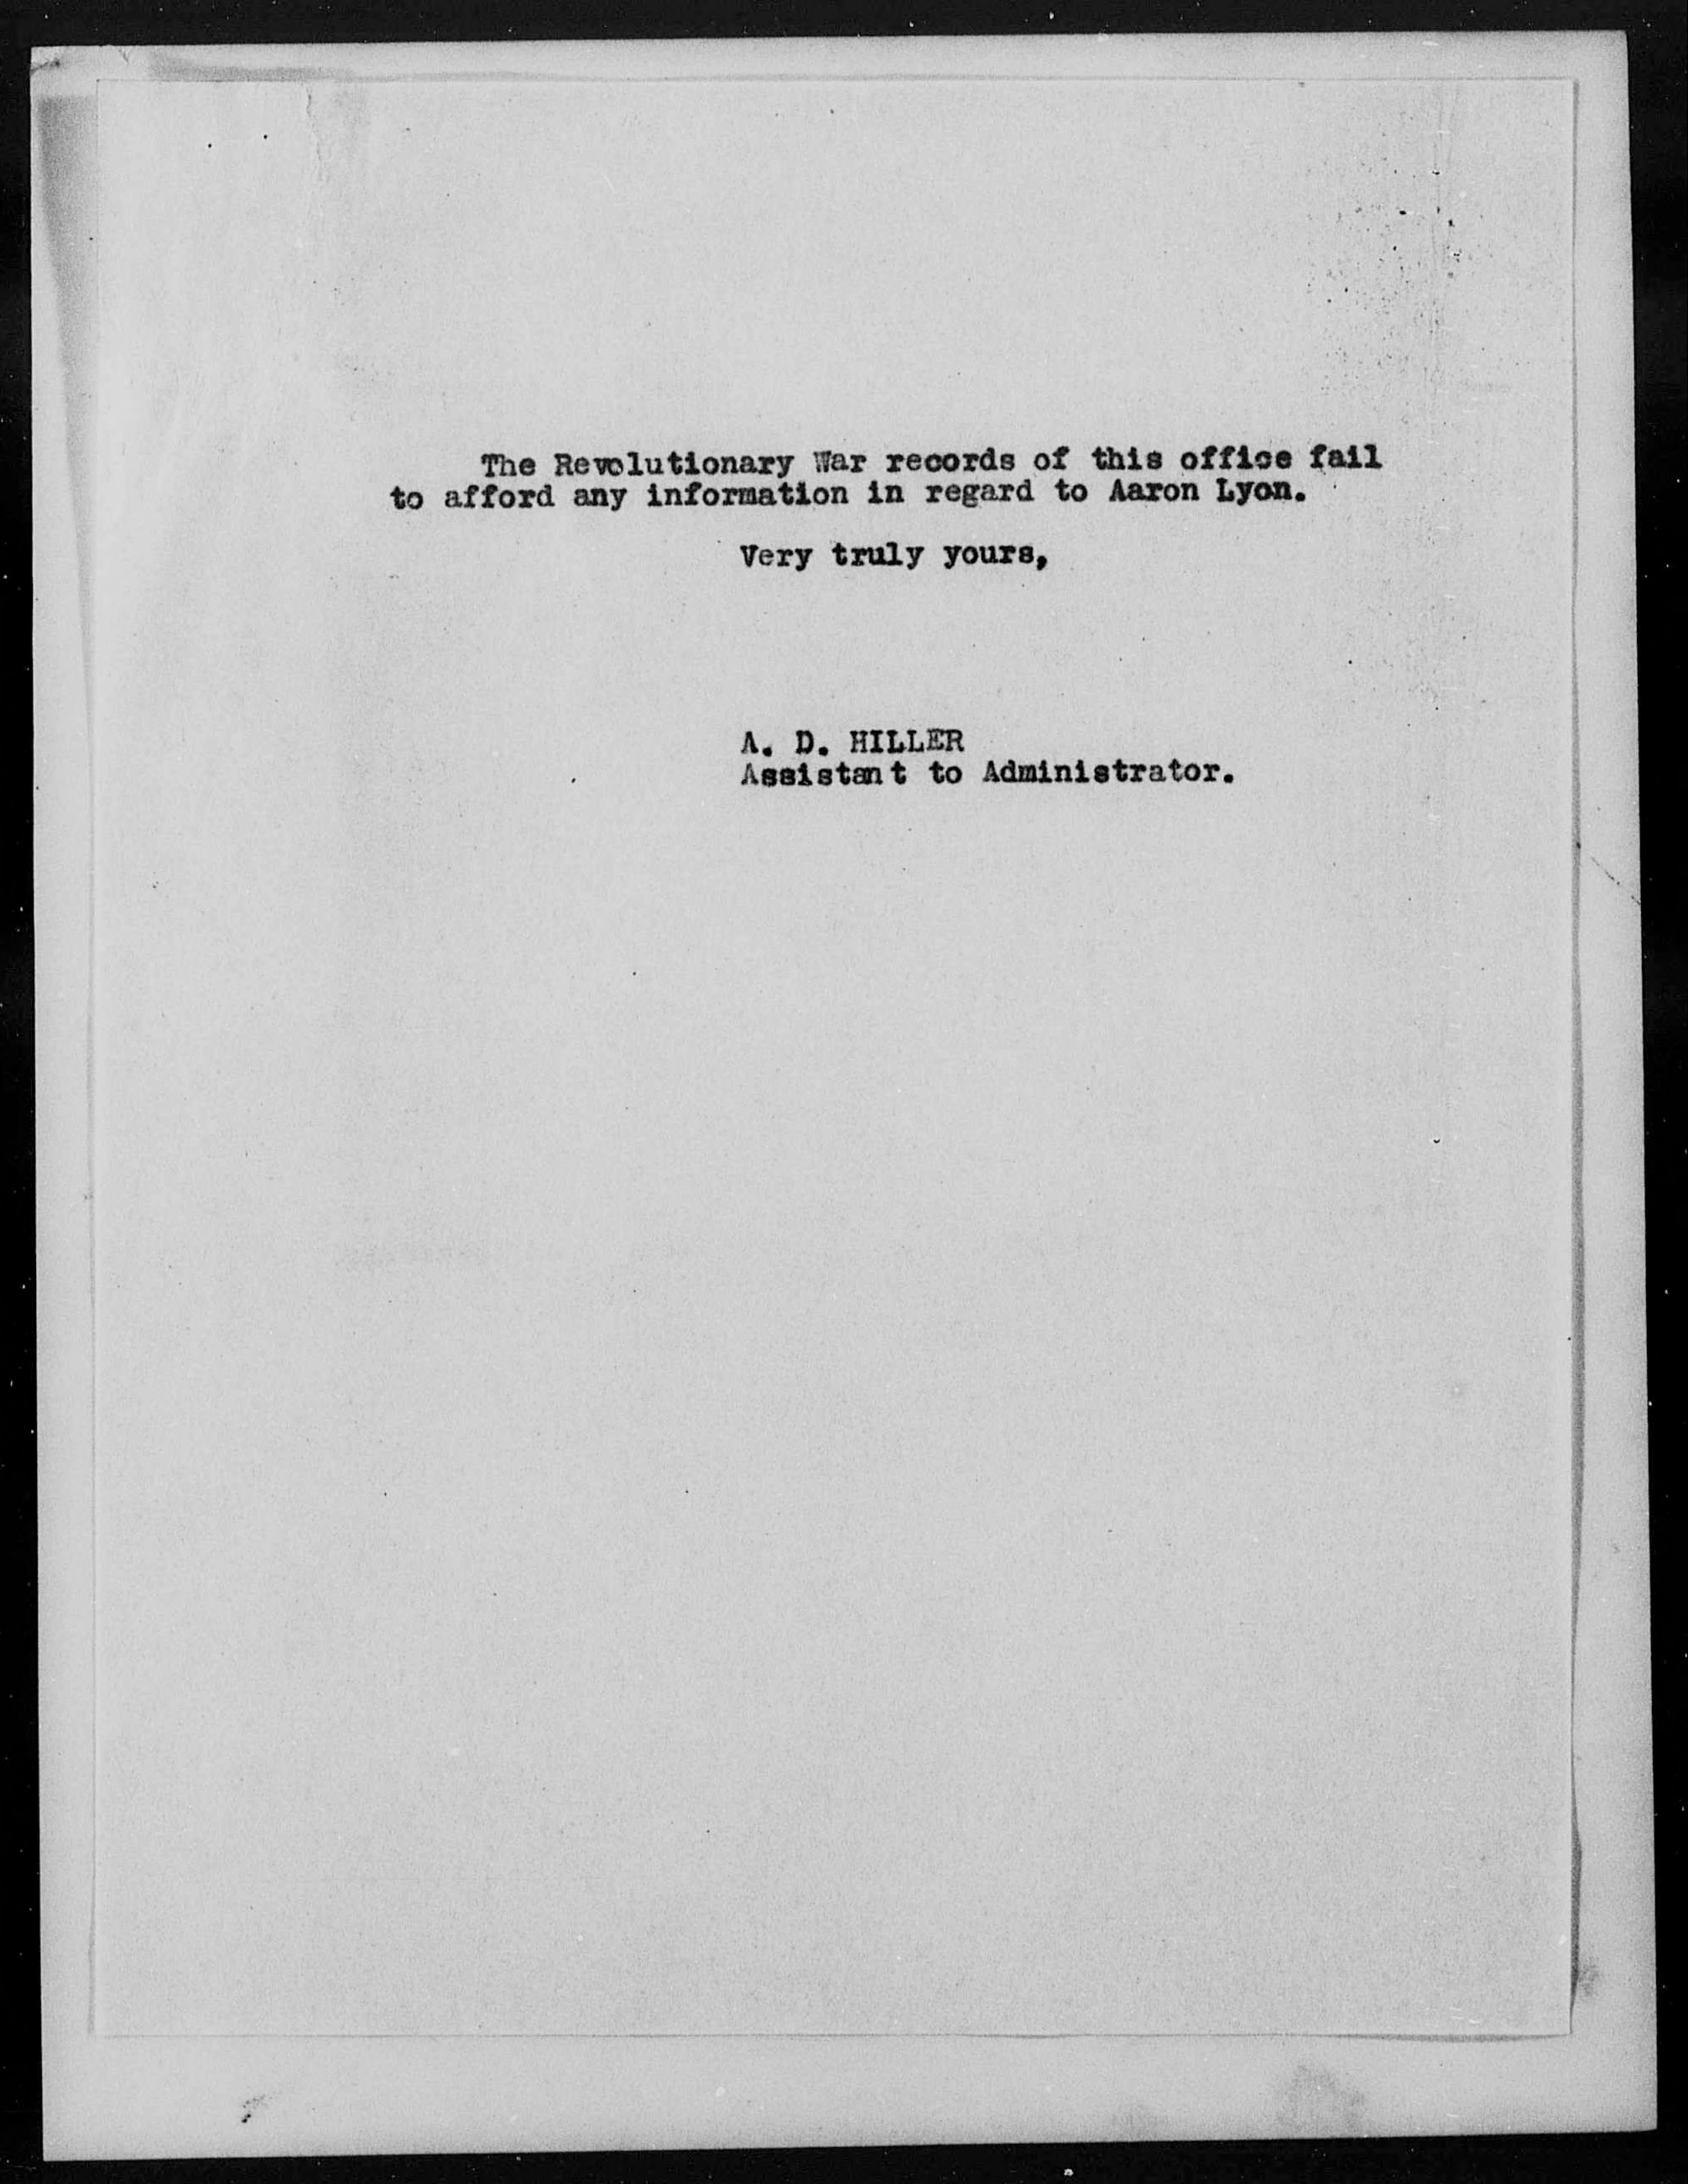The Revolutionary War records of this office fail
to afford any information in regard to Aaron Lyon.
Very truly yours,
A. D. HILLER
Assistant to Administrator.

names: A D Hiller; Aaron Lyon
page: 17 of 31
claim: survivor's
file: S. 43766, for Amos Parker, Connecticut